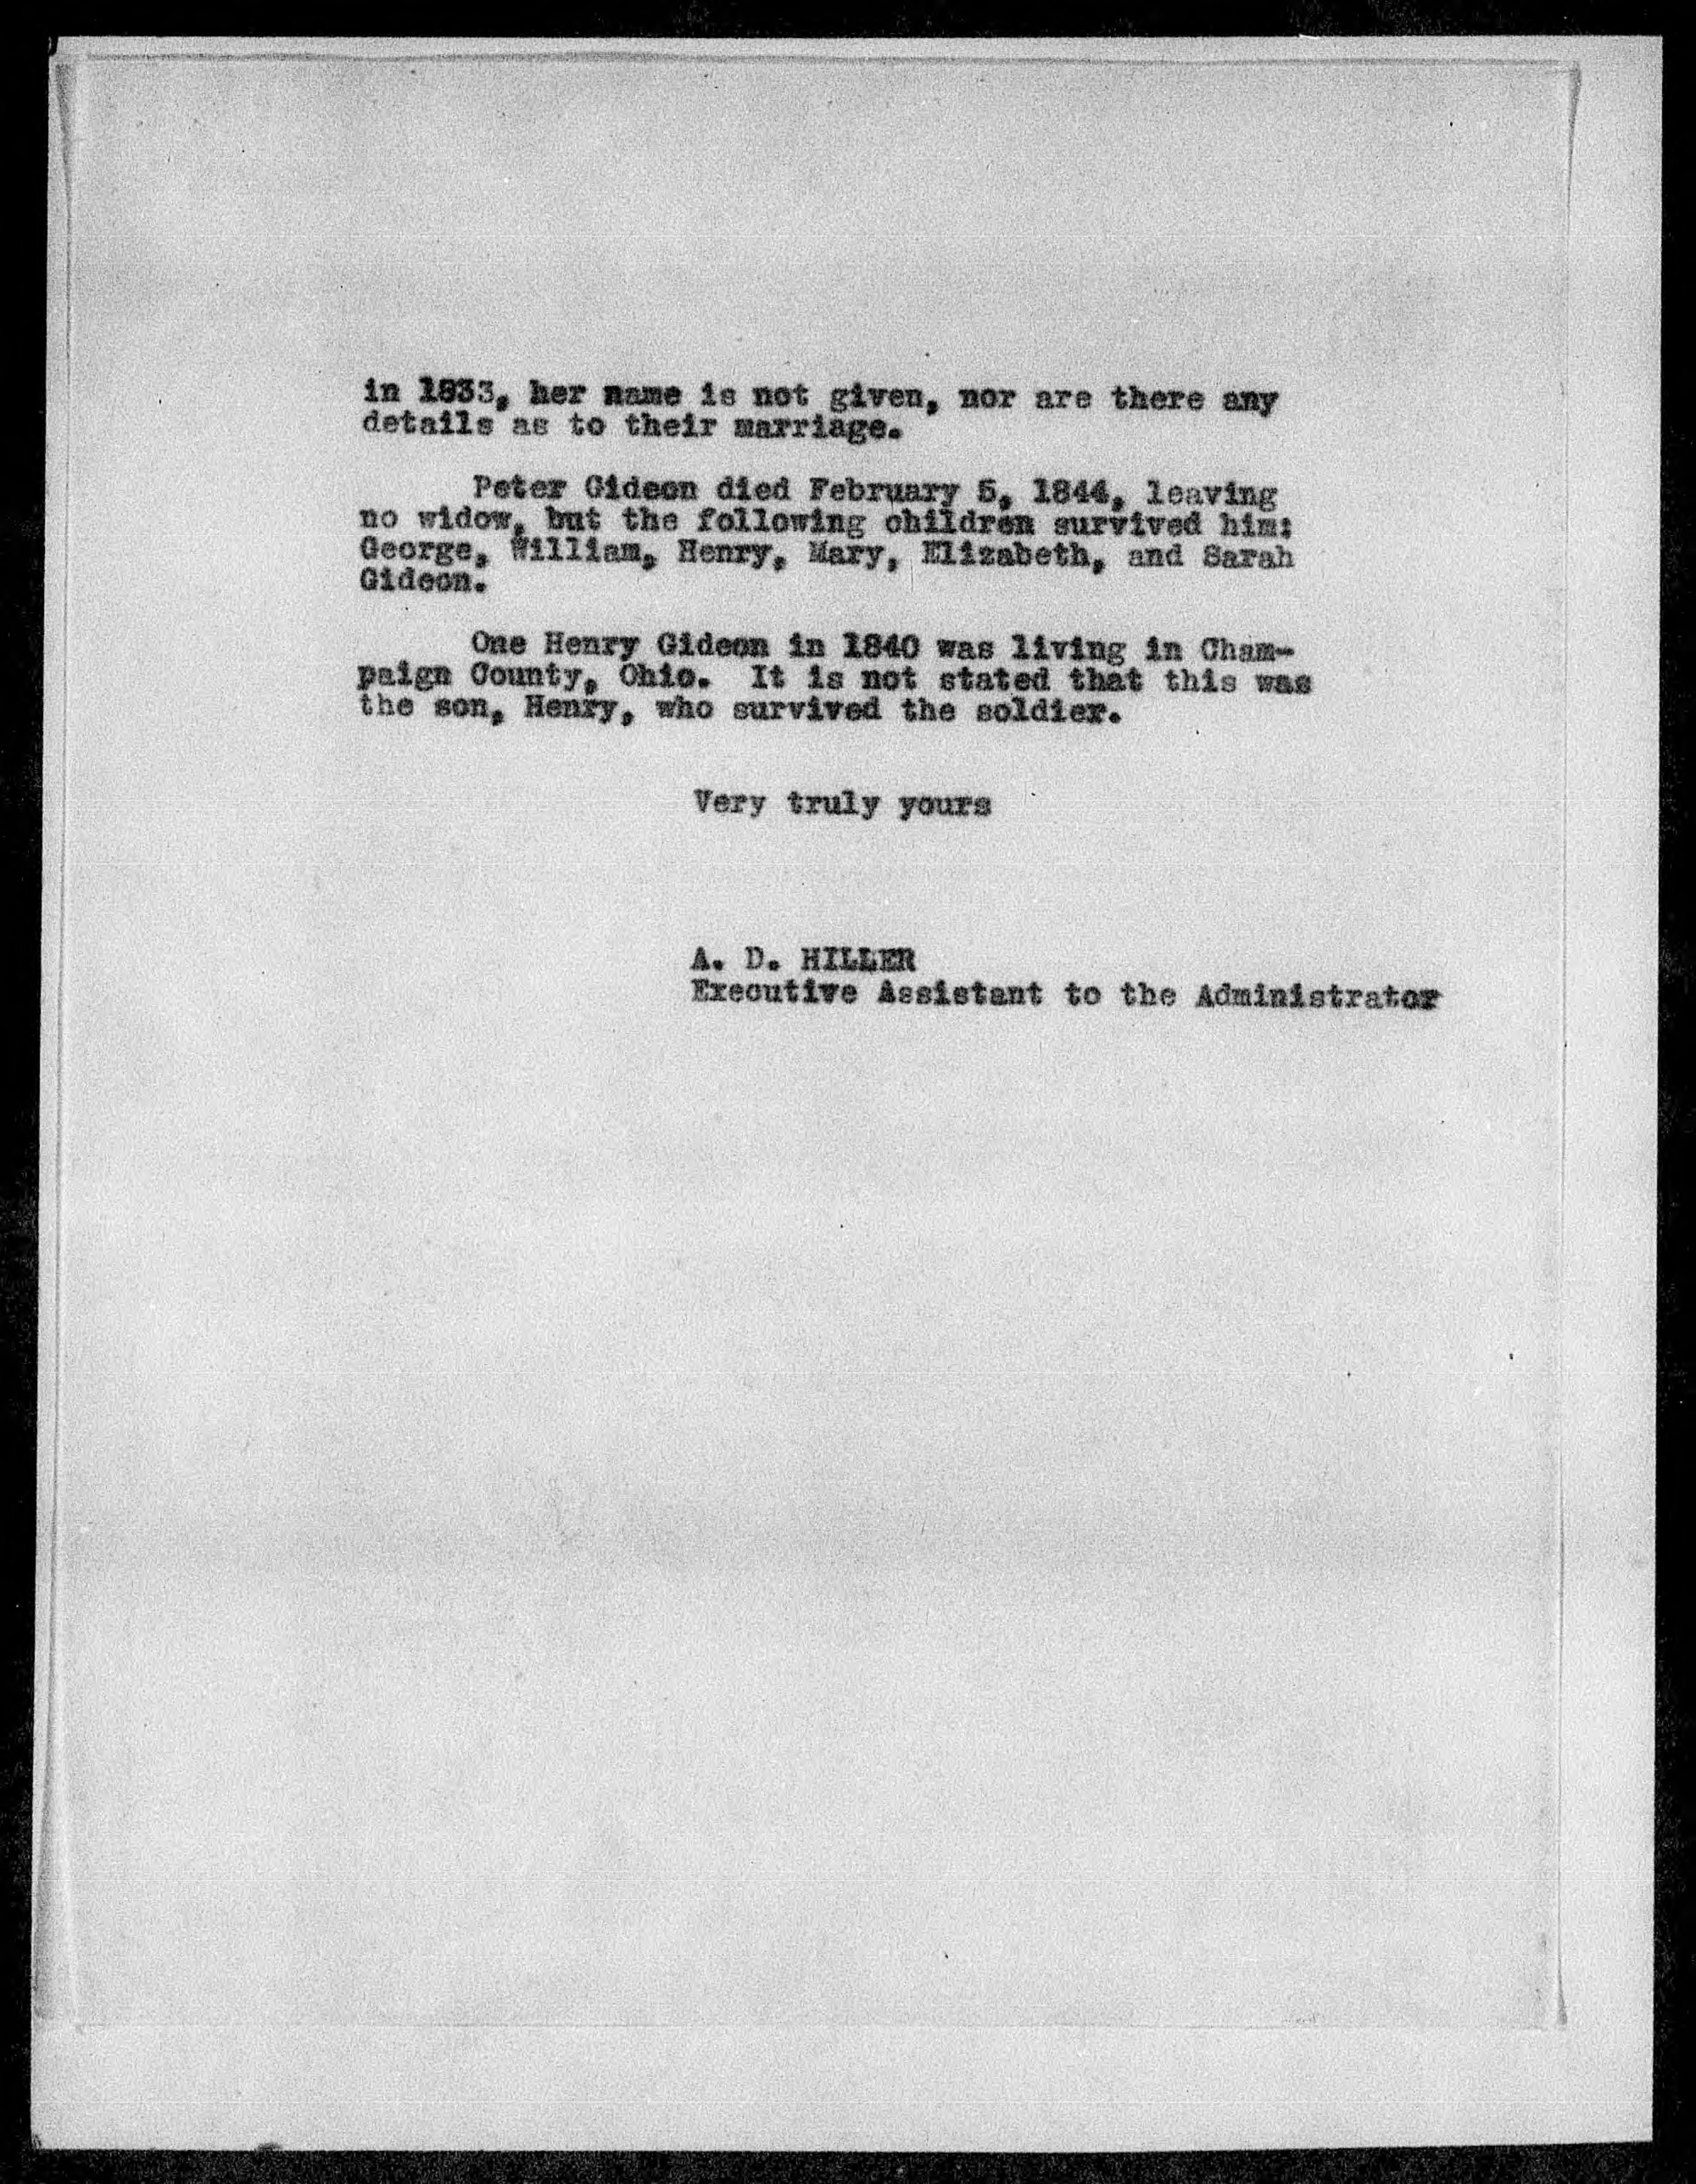in 1833, her name is not given, nor are there any
details as to their marriage.

Peter Gideon died February 5, 1844, leaving
no widow, but the following children survived him-George, William Henry, Mary, Elizabeth, and Sarah Gideon.

One Henry Gideon in 1840 was living in Champaign County, Ohio. It is not stated that this was
the son, Henry, who survived the soldier.

Very truly yours
A.D. Hiller
Executive Assistant to the Administrator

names: Henry, George Gideon, Henry Gideon, A D Hiller, Sarah Gideon, Mary Gideon, Peter Gideon, Elizabeth Gideon, William Gideon, Henry Gideon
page: 53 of 64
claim: survivor's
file: S. 6887, Peter Gideon, Md.